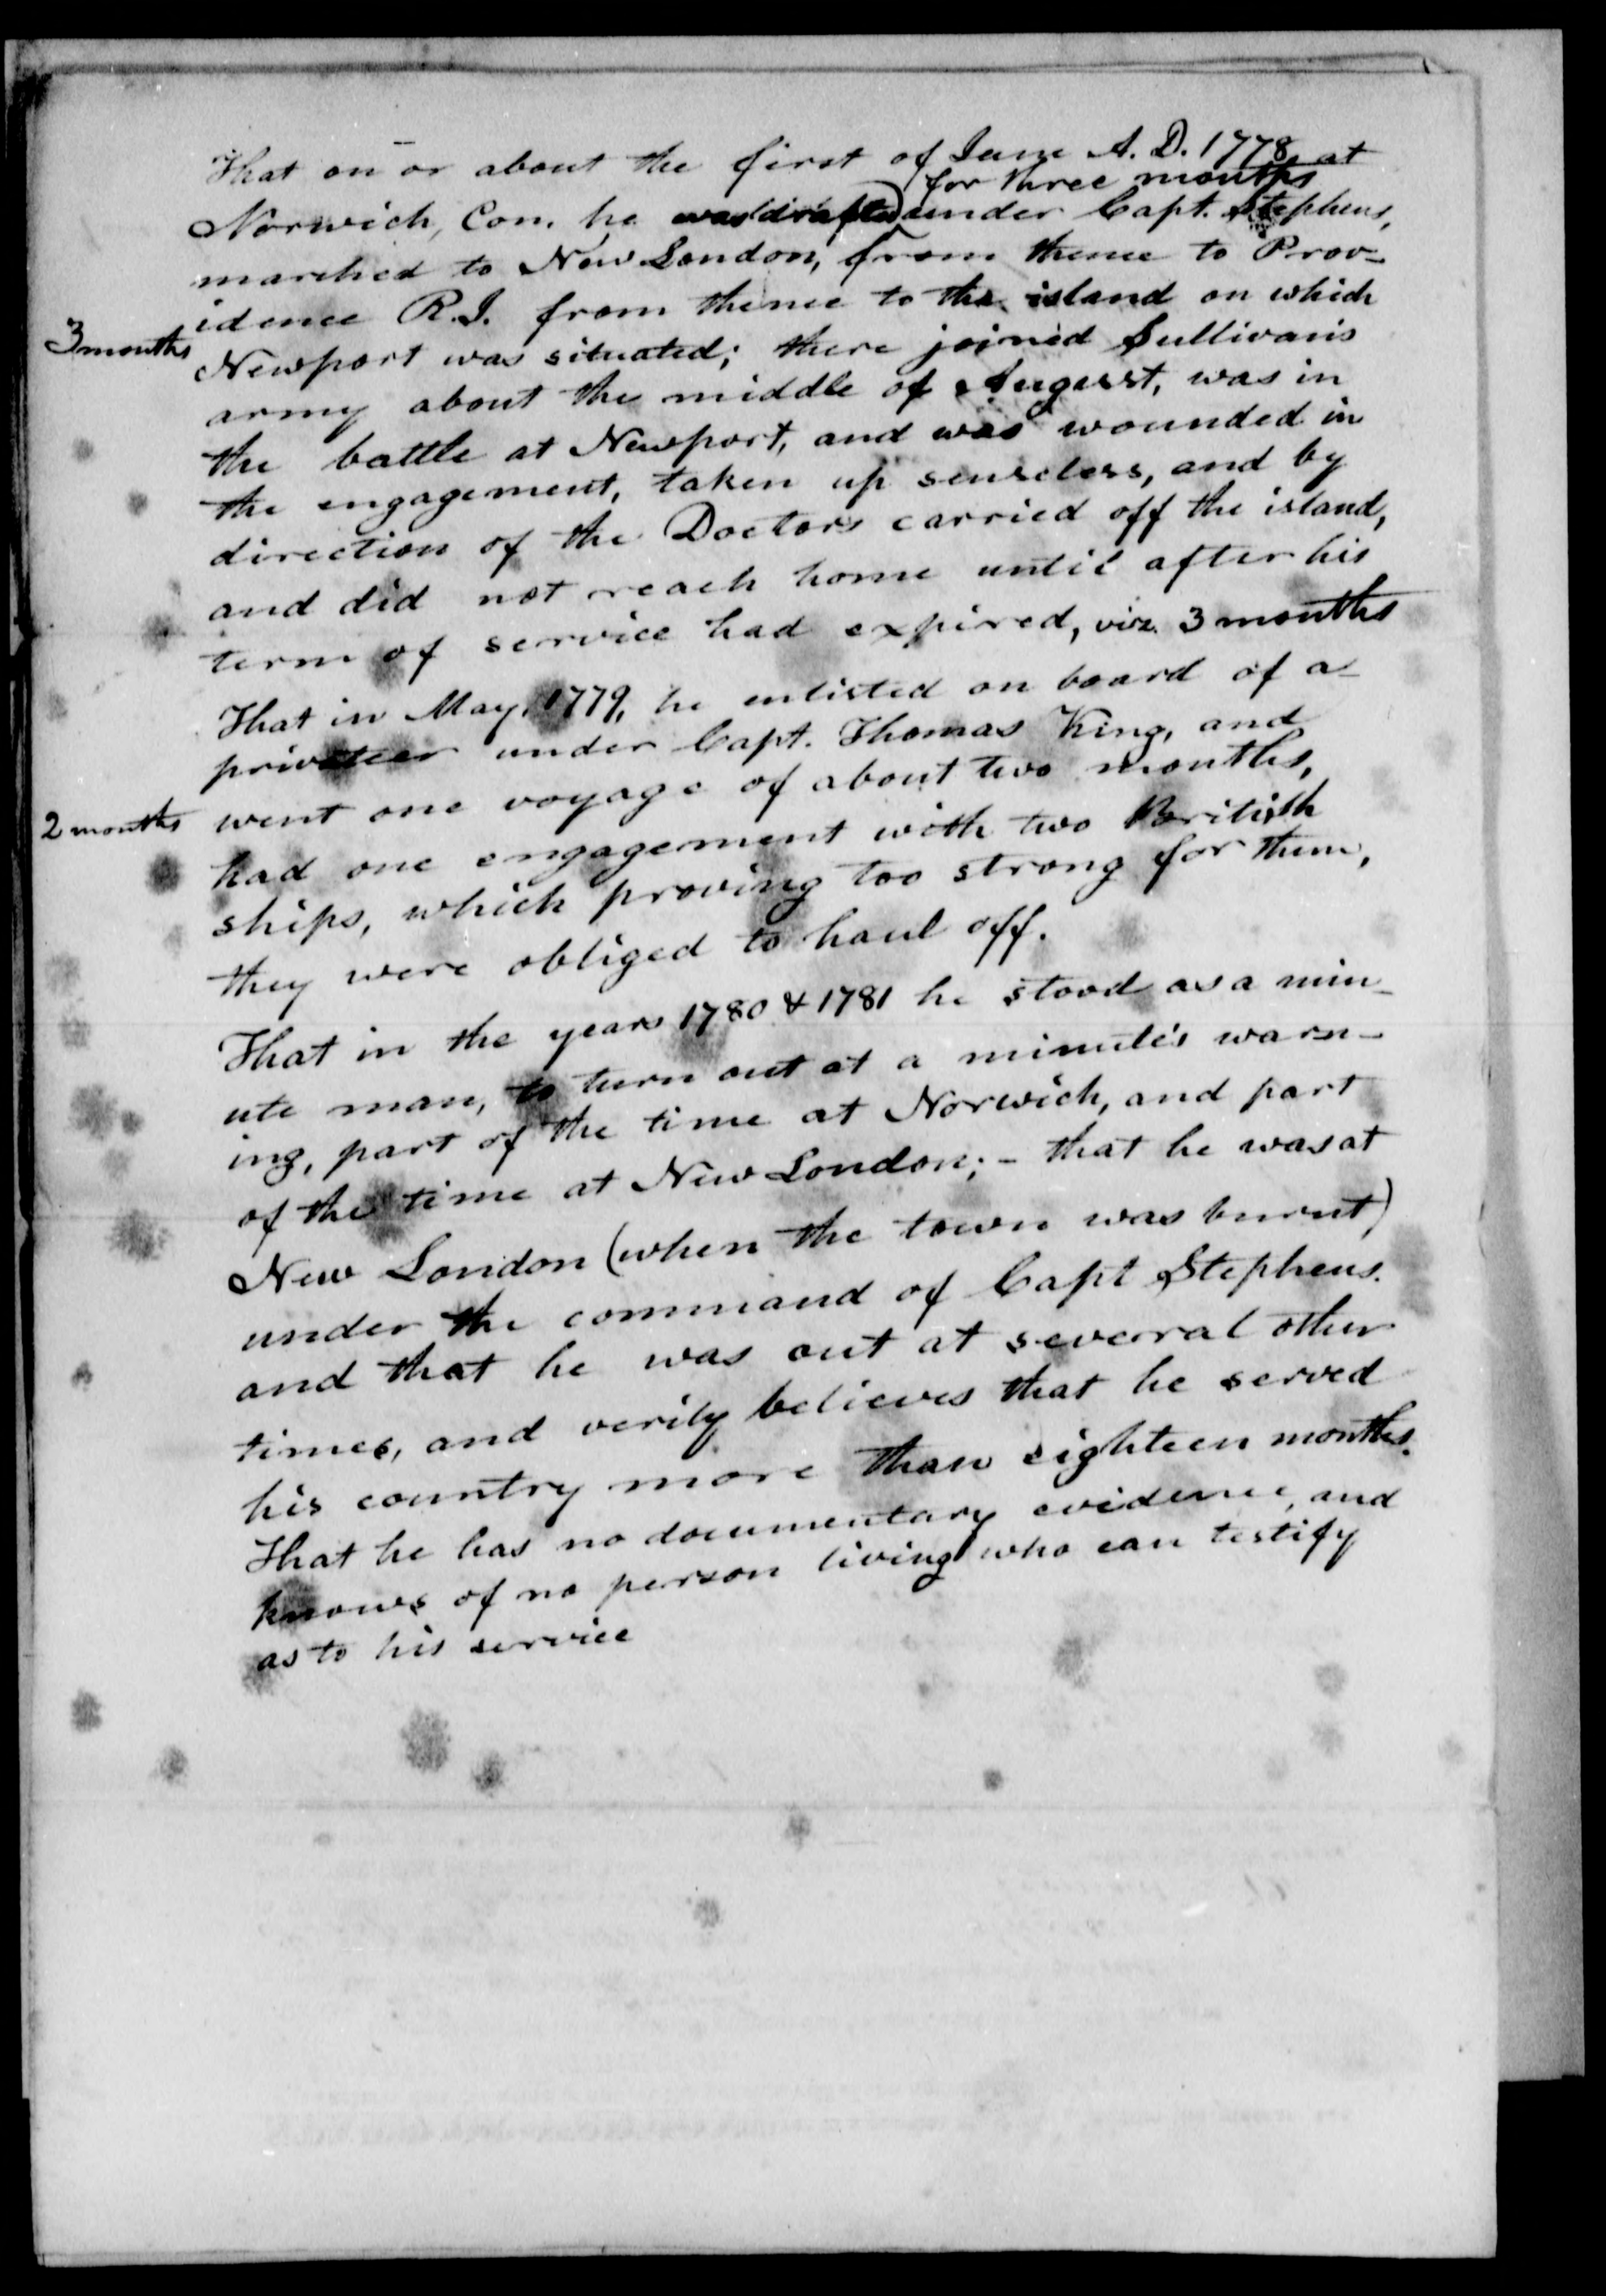That on or about the first of June A.D. 1778, at Norwich Con. he was drafted for three months under Capt. Stephens, marched to New London, from thence to Providence R.I. from thence to the island on which Newport was situated; there joined Sullivan's Army about the middle of August, was in the battle at Newport, and was wounded in the engagement, taken up senseless, and by direction of the Doctor's carried off the island, and did not reach home until after his term of service had expired, viz 3 months.
[note in left margin] 3 months
That in May 1779, he enlisted on board of a privateer under Capt. Thomas King, and went one voyage of about two months, had one engagement with two British ships, which proving too strong for them, they were obliged to haul off.
[note in left margin] 2 months
That in the years 1780 & 1781 he stood as a minute man, to turn out at a minutes warning, part of the time at Norwich, and part of the time at New London;─ that he was at New London (when the town was burnt) under the command of Capt Stephens and that he was out at several other times, and verily believes that he served his country more than eighteen months.
That he has no documetary evidence and knows of no person living who can testify as to his service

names: Thomas King, Stephens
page: 6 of 29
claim: widow's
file: W. 22604, Prosper Wheeler, Conn.